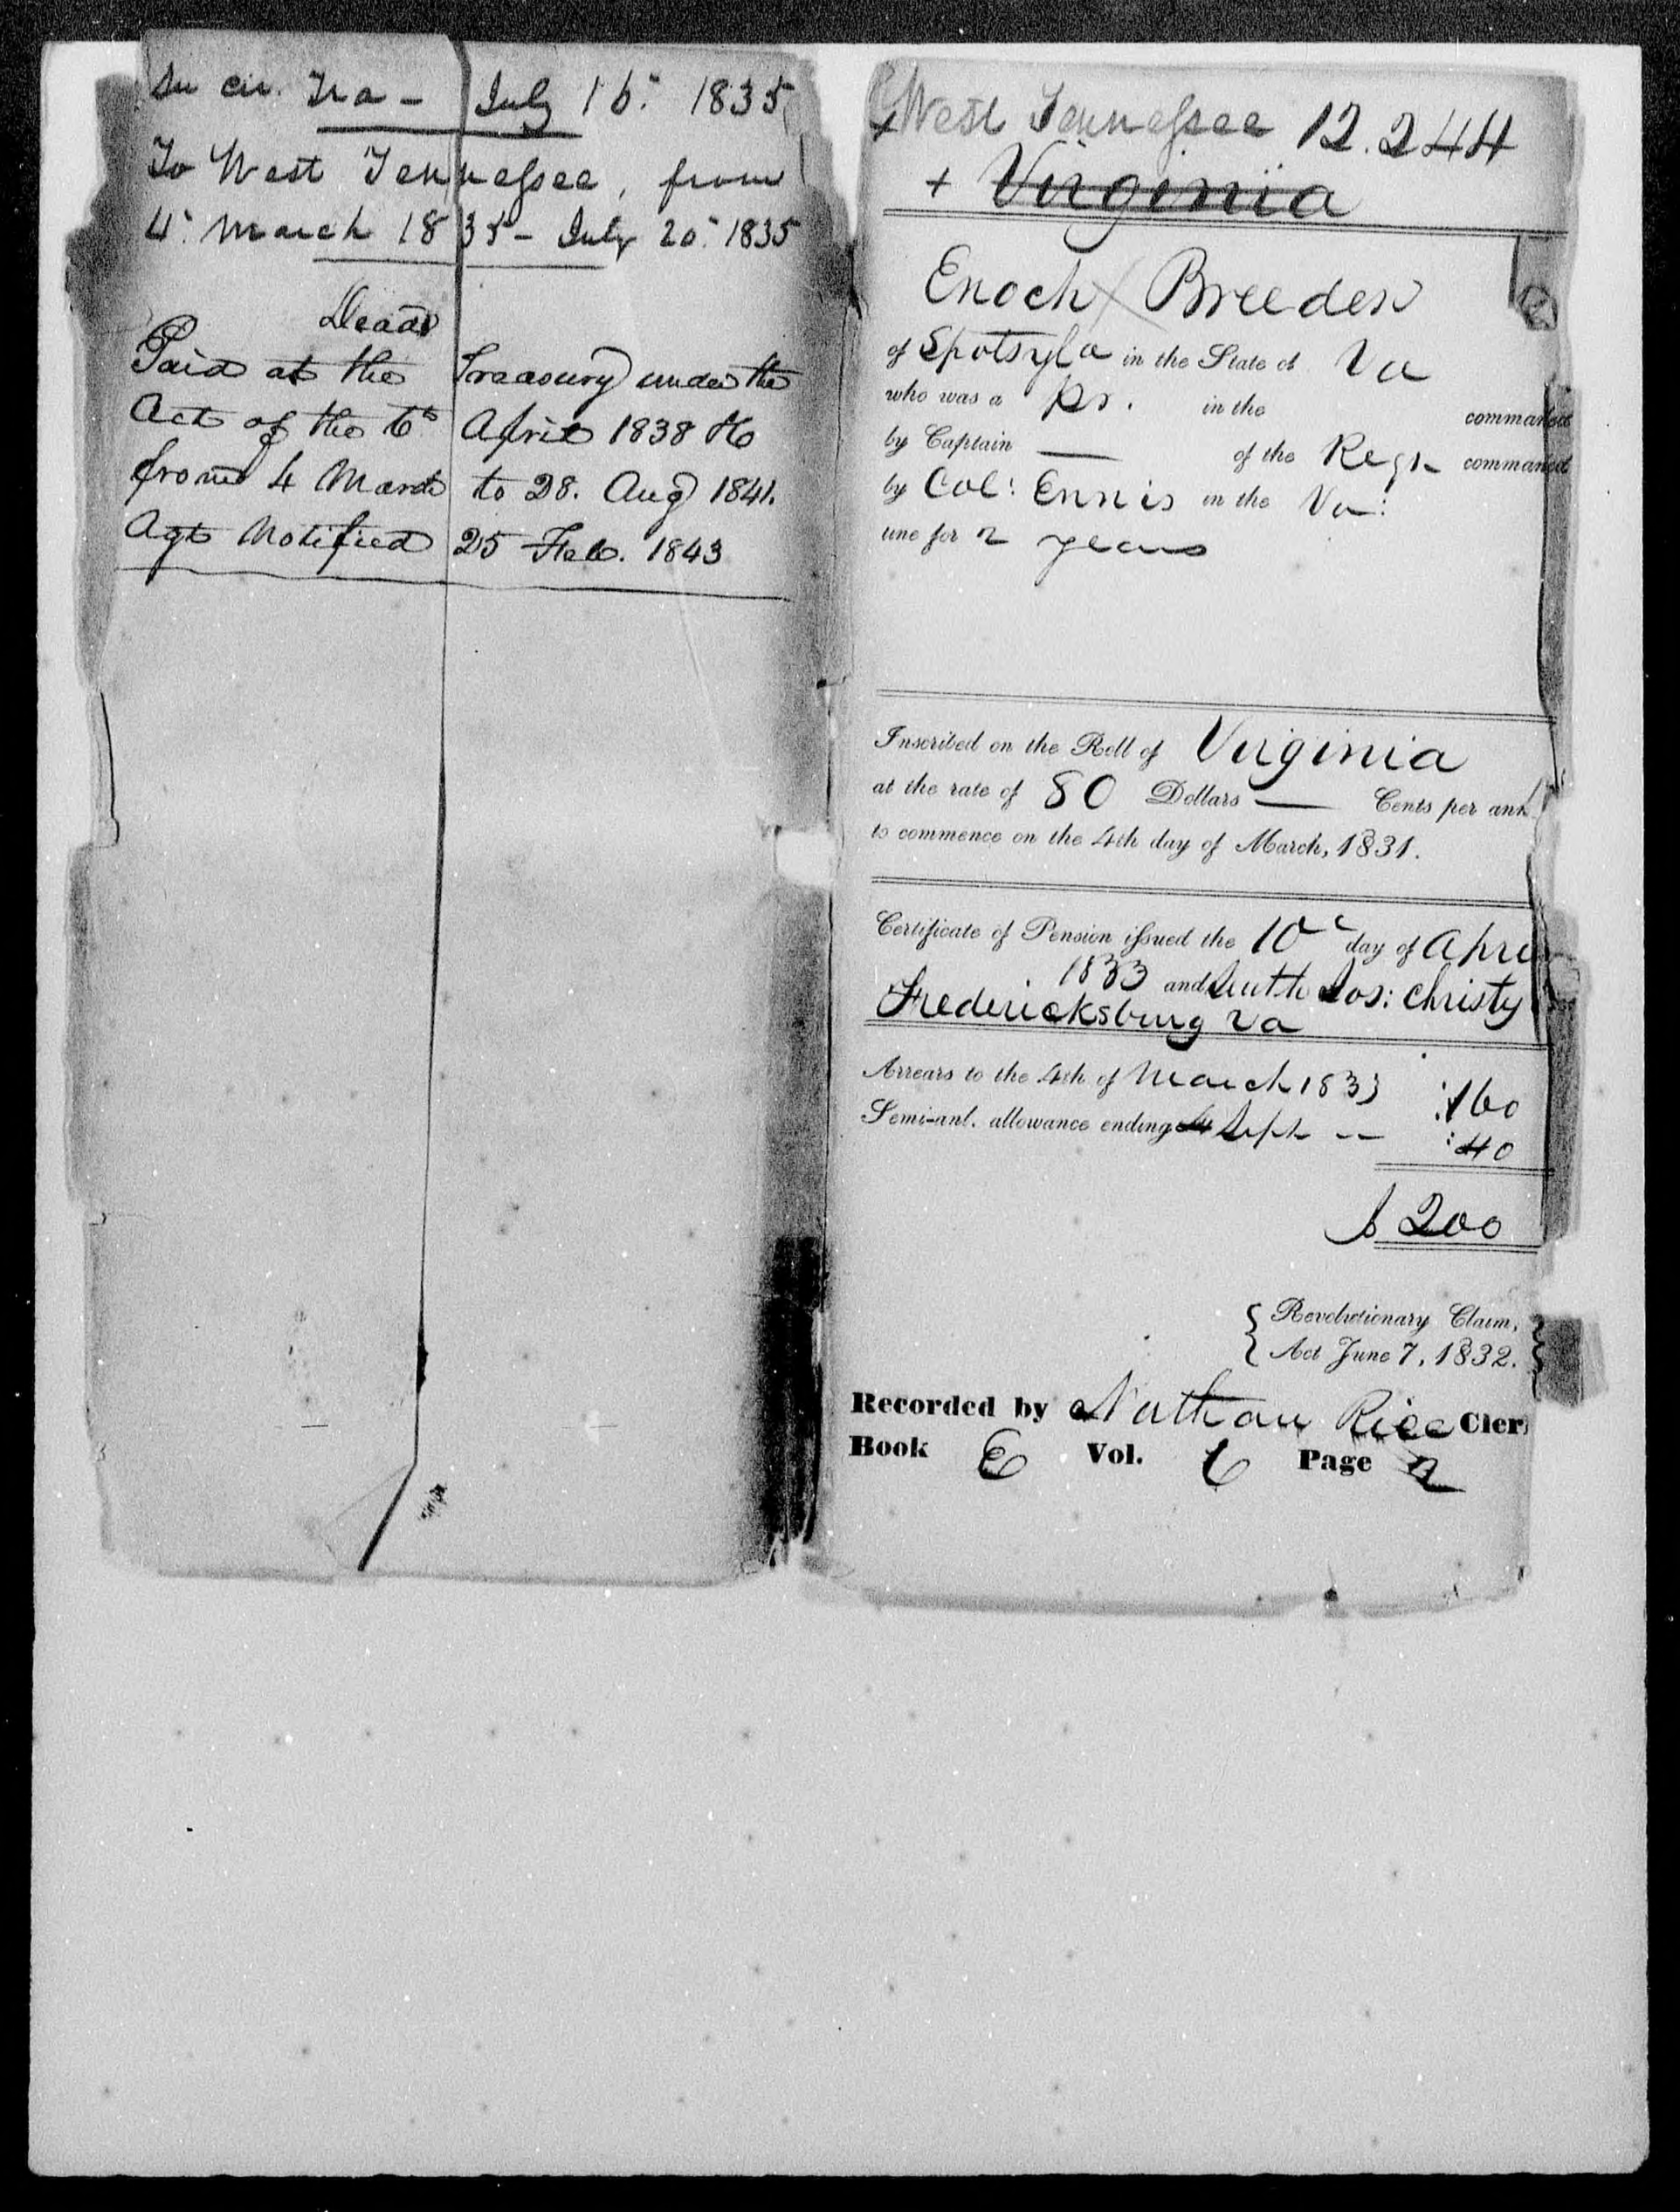Su cir. Tra - July 16th 1835
To west Tennessee, from 
4th. March 1835 - July 20th. 1835
Dead
Paid at the treasury under the 
Act of the 6th April &?
from 4 March to 28. Aug 1841.
Agt notified 25 Feb 1843

West Tennessee 12.244
+ Virginia
Enoch Breeden
Of Spotsyla [Spotsvania] in the state of VA
who Was a pr. in the [blank] command
by Captain [blank] of the Regn command
By Co: Ennis in the Va.
une for 2 years

Inscribed on the Bell of Virginia 
at the rate of 80 Dollars____Cents per Ann
to commence on the 4th day of March, 1834.

Certificate of pensions issued the 10th day of April
1833 and South Los: christy
Fredericksburg Va

Arrears to the 4th of March 1833 :160
Semi-ant. allowance ending -[illegible] :40
T 200

Revolutionary Claim
Act June 7, 1832

Recorded by Nathan Rice Clerk
Book E Vol. 6 Page 2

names: Enoch Breeden, Nathan Rice, Ennis, Jos Christy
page: 2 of 27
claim: survivor's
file: S. 1747, Enoch Breeden, Va.